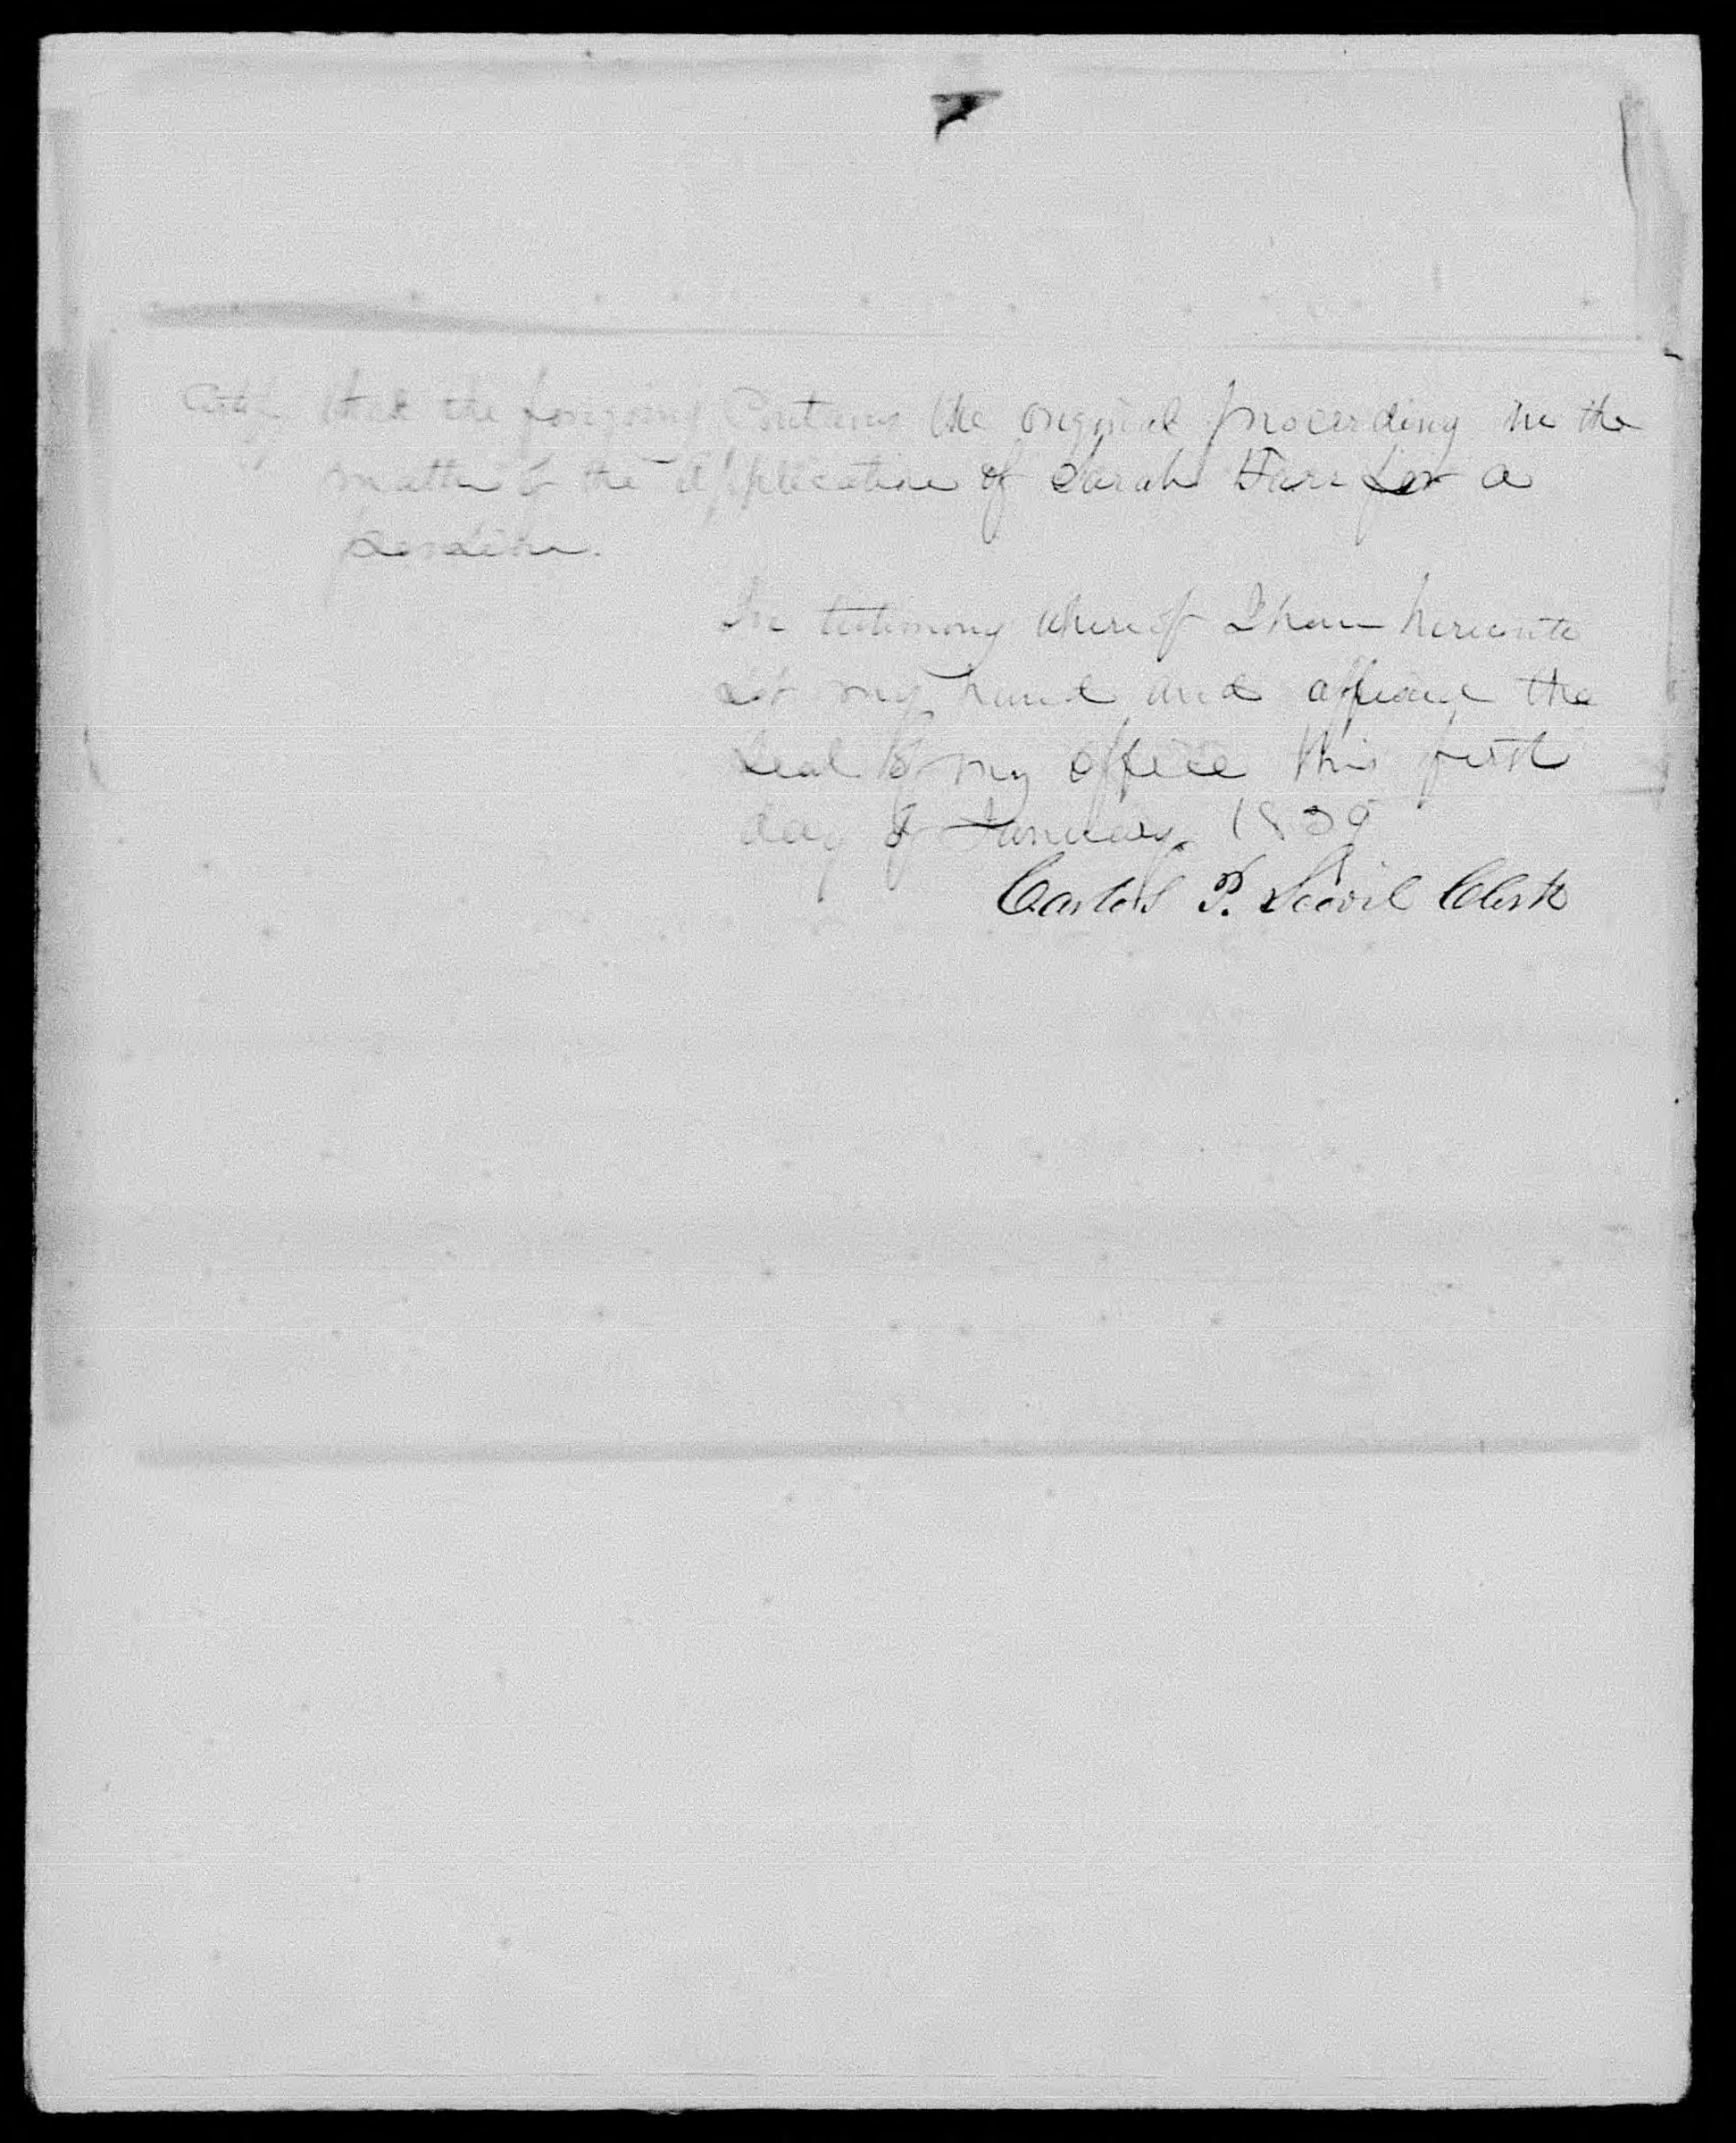Certify that the foregoing contains the original proceeding in the
matter of the application of Sarah Farr for a
pension.
In testimony whereof I have hereunto
set my hand and affixed the
seal to my office this first
day of January 1839.
Carlos P. Scovil Clerk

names: Sarah Farr, Carlos P Scovil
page: 13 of 46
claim: widow's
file: W. 23022, Thomas Farr, N.H.